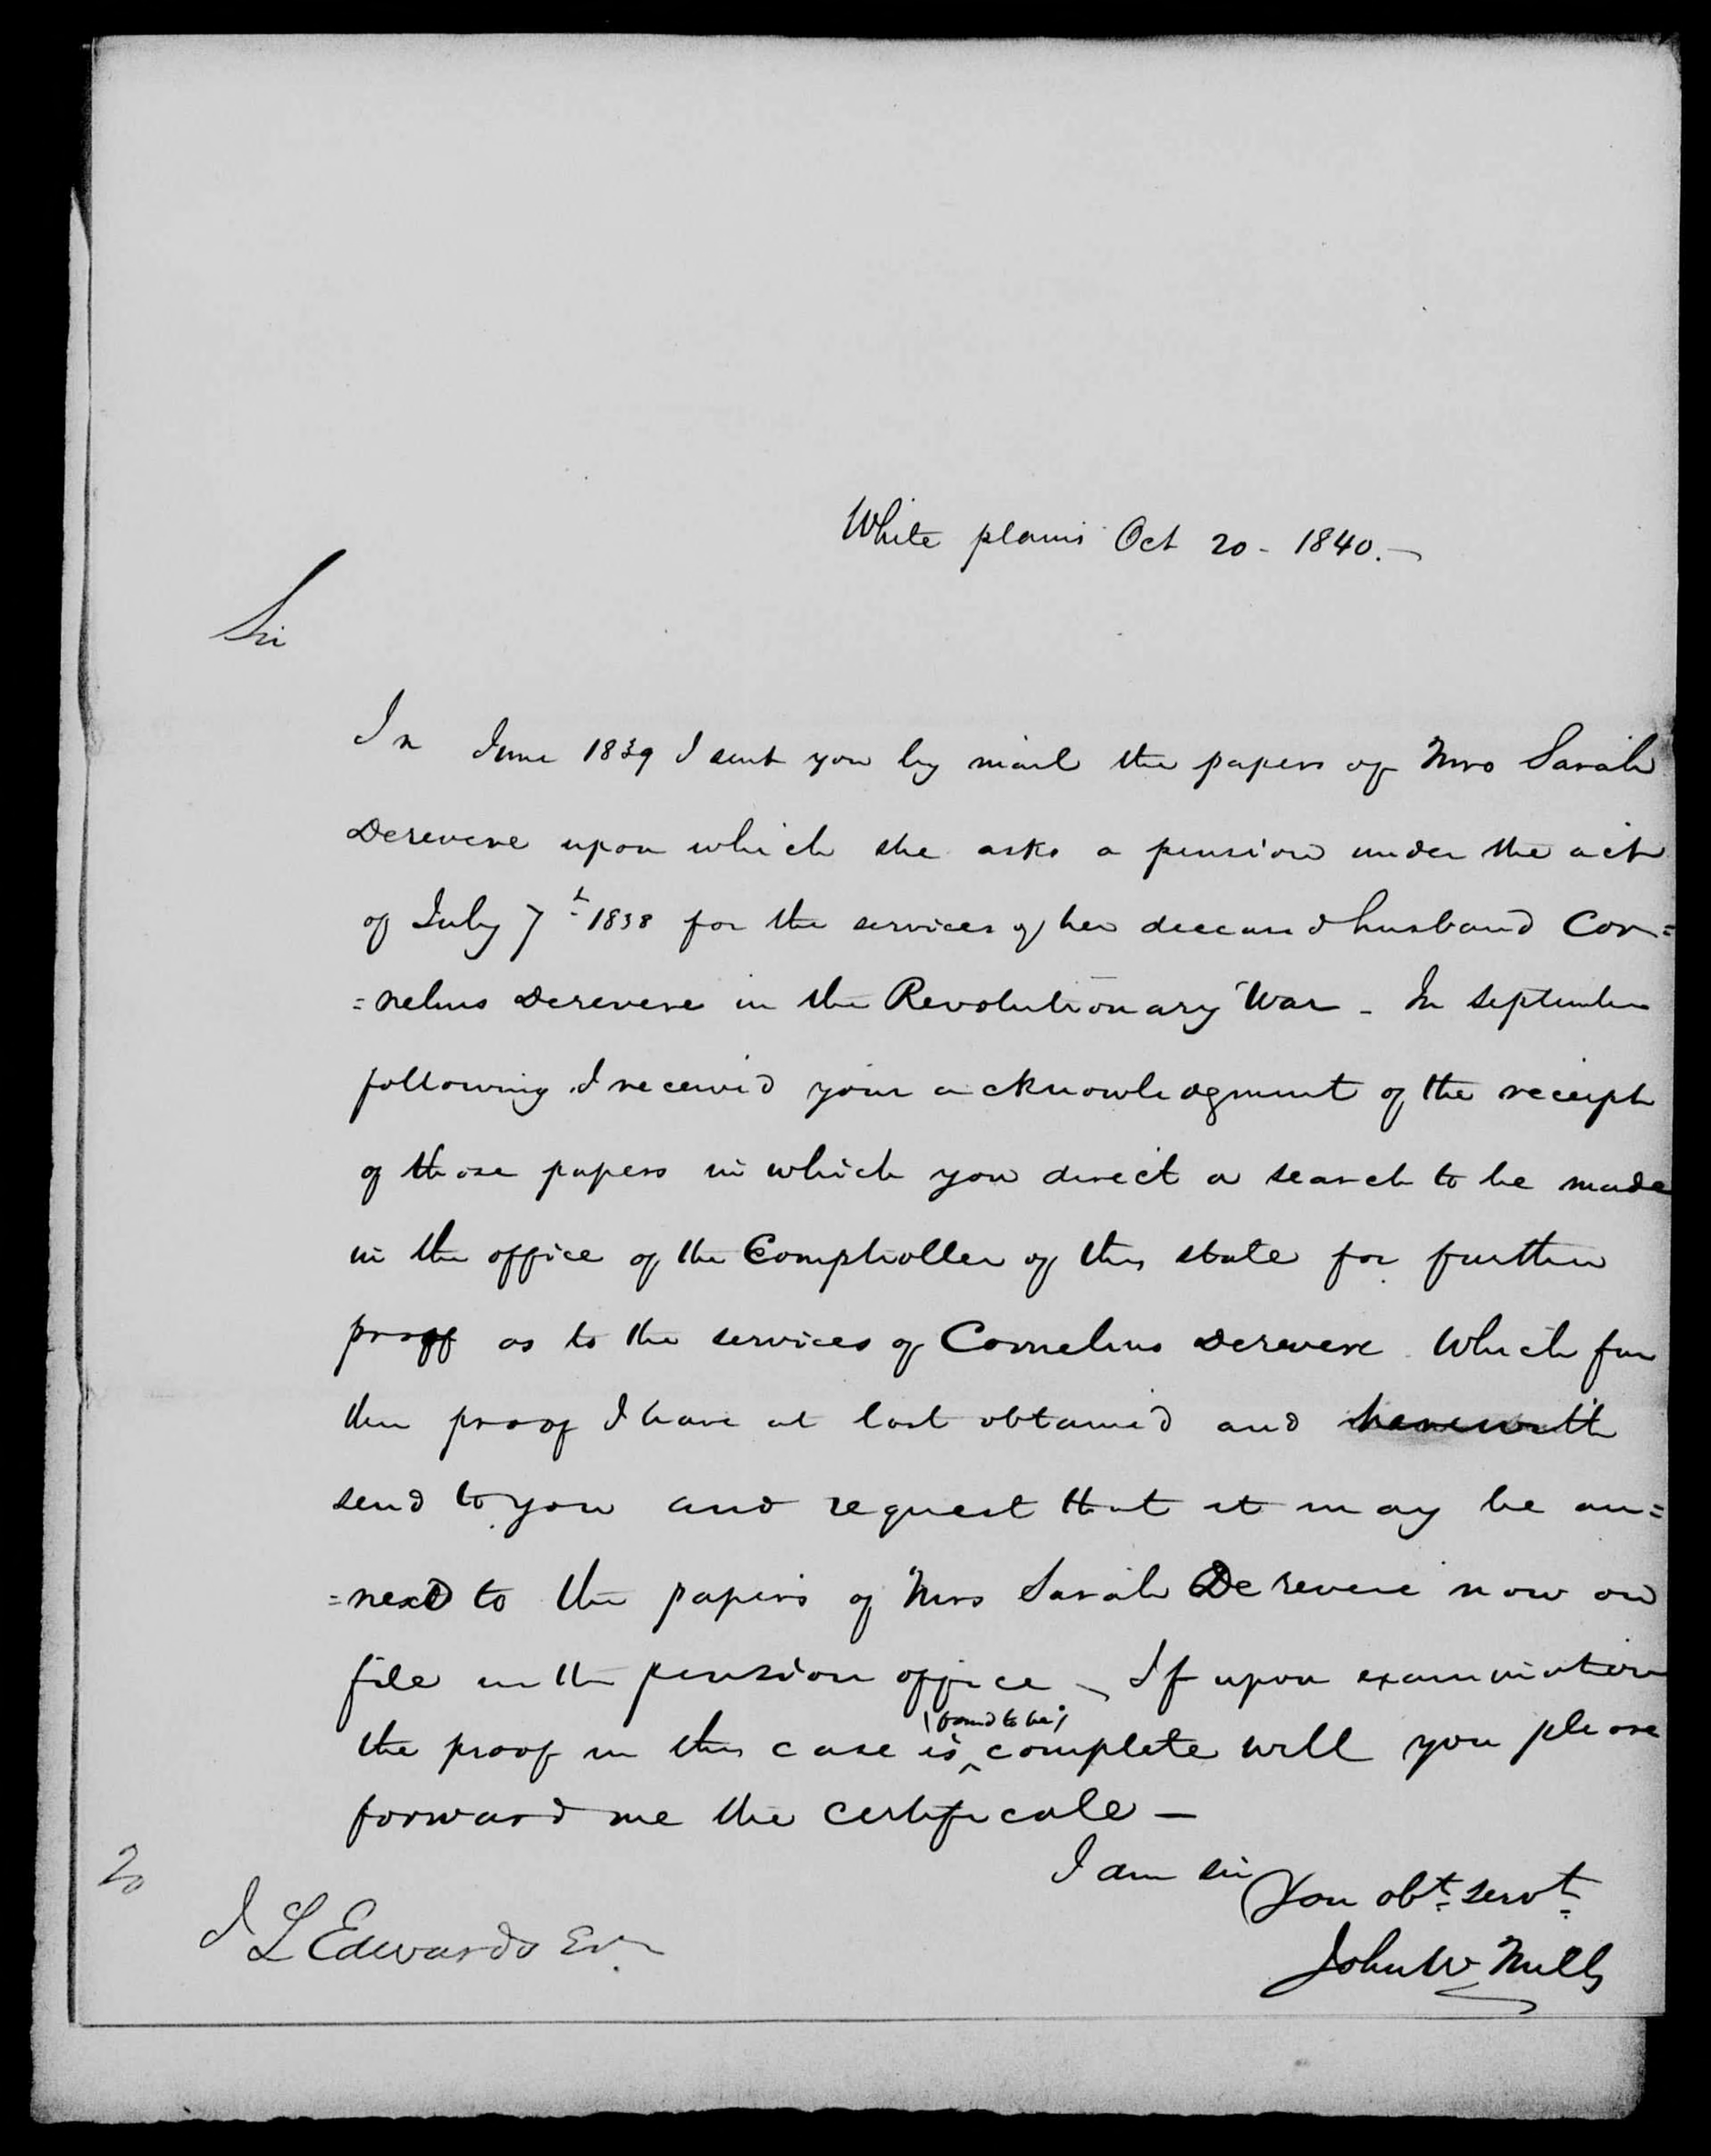White plains Oct 20 - 1840.
Sir
In June 1839 I sent you by mail the papers of Mrs Sarah Derevere upon which she asks a pension under the  act of July 7th 1838 for the services of her deceased husband Cornelius Derevere in the Revolutionary War.  In September following I received your acknowledgement of the receipt of those papers in which you direct a search to be made in the office of the Comptroller of the state for further proof as to the services of Cornelius Derevere.  Which further proof I have at last obtained and herewith send to you and request that it may be annexed to the papers of Mrs Sarah Derevere now on file with pensions office - If upon examination the proof in this case is ^ (found to be) complete will you please forward me the certificate - 
I am sin
You obt servt
John W Mills

J L Edwards Esq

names: Cornelius Derevere, J L Edwards, Sarah Derevere, Sarah Derevere, Cornelius Derevere, John W Mills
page: 40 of 40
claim: widow's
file: W. 24057, Cornelius De Revere, New York